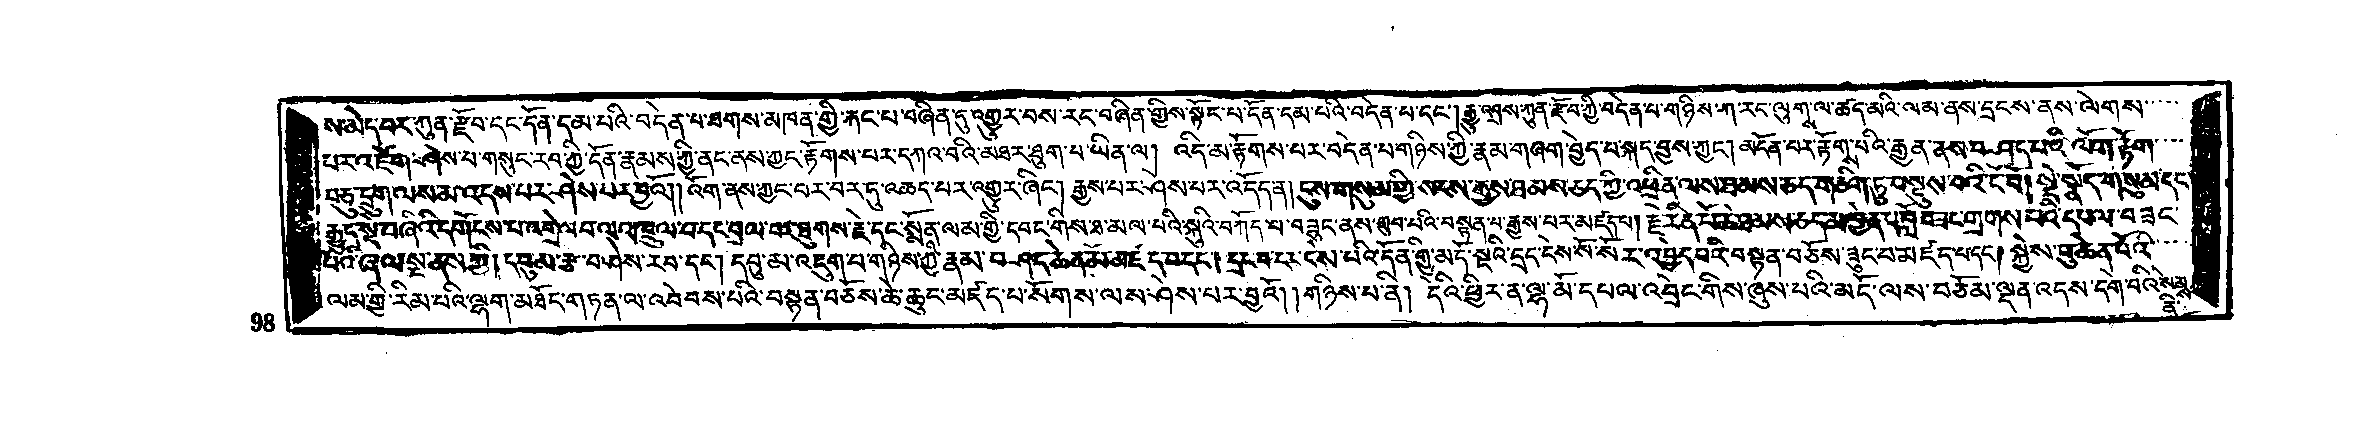ས་མེད་པར་ཀུན་རྫོབ་དང་དོན་དམ་པའི་བདེན་པ་ཐགས་མཁན་གྱི་རྐང་པ་བཞིན་དུ་འགྱུར་བས་རང་བཞིན་གྱིས་སྟོང་པ་དོན་དམ་པའི་བདེན་པ་དང་། རྒྱུ་འབྲས་ཀུན་རྫོབ་ཀྱི་བདེན་པ་གཉིས་ཀ་རང་ལུགས་ལ་ཚད་མའི་ལམ་ནས་དྲངས་ནས་ལེགས་
པར་འཇོག་ཤེས་པ་གསུང་རབ་ཀྱི་དོན་རྣམས་ཀྱི་ནང་ནས་ཀྱང་རྟོགས་པར་དཀའ་བའི་མཐར་ཐུག་པ་ཡིན་ལ། འདི་མ་རྟོགས་པར་བདེན་པ་གཉིས་ཀྱི་རྣམ་གཞག་བྱེད་པ་སྐད་བྱས་ཀྱང་། མངོན་པར་རྟོགས་པའི་རྒྱན་ནས་བཤད་པའི་ལོག་རྟོག་
བཅུ་དྲུག་ལས་མ་འདས་པར་ཤེས་པར་བྱའོ། །འོག་ནས་ཀྱང་བར་པར་དུ་འཆད་པར་འགྱུར་ཞིང་། རྒྱས་པར་ཤེས་པར་འདོད་ན། དུས་གསུམ་གྱི་སངས་རྒྱས་ཐམས་ཅད་ཀྱི་འཕྲིན་ལས་ཐམས་ཅད་གཅིག་ཏུ་བསྡུས་པའི་ངོ་བོ། སྡེ་སྣོད་གསུམ་དང་
རྒྱུད་སྡེ་བཞིའི་དགོངས་པ་འགྲེལ་པ་ལ་འཁྲུལ་བ་དང་བྲལ་བར་ཐུགས་རྗེ་དང་སྨོན་ལམ་གྱི་དབང་གིས་ཐ་མལ་པའི་སྐུའི་བཀོད་པ་བཟུང་ནས་གྲུབ་པའི་བསྟན་པ་རྒྱས་པར་མཛད་པ། རྗེ་རིན་པོ་ཆེ་ཐམས་ཅད་མཁྱེན་པ་བློ་བཟང་གྲགས་པའི་དཔལ་བཟང་
པོའི་ཞལ་སྔ་ནས་ཀྱི། དབུ་མ་རྩ་བ་ཤེས་རབ་དང་། དབུ་མ་འཇུག་པ་གཉིས་ཀྱི་རྣམ་བཤད་ཆེན་མོ་མཛད་པ་དང་། དྲང་བས་དང་ངེས་པའི་དོན་གྱི་མདོས་དའི་དྲང་ངེས་སོ་སོར་འབྱེད་པའི་བསྟན་བཅོས་ཟུང་བ་མཛད་པ་དང་། སྐྱེས་བུ་ཆེན་པོའི་
ལམ་གྱི་རིམ་པའི་ལྷག་མཐོང་གཏན་ལ་འབེབས་པའི་བསྟན་བཅོས་ཆེ་ཆུང་མཛད་པ་སོགས་ལས་ཤེས་པར་བྱའོ། །གཉིས་པ་ནི། དེའི་ཕྱིར་ན་ལྷ་མོ་དཔལ་འབྲེང་གིས་ཞུས་པའི་མདོ་ལས་བཅོམ་ལྡན་འདས་དགེ་བའི་སེམས་ནི་